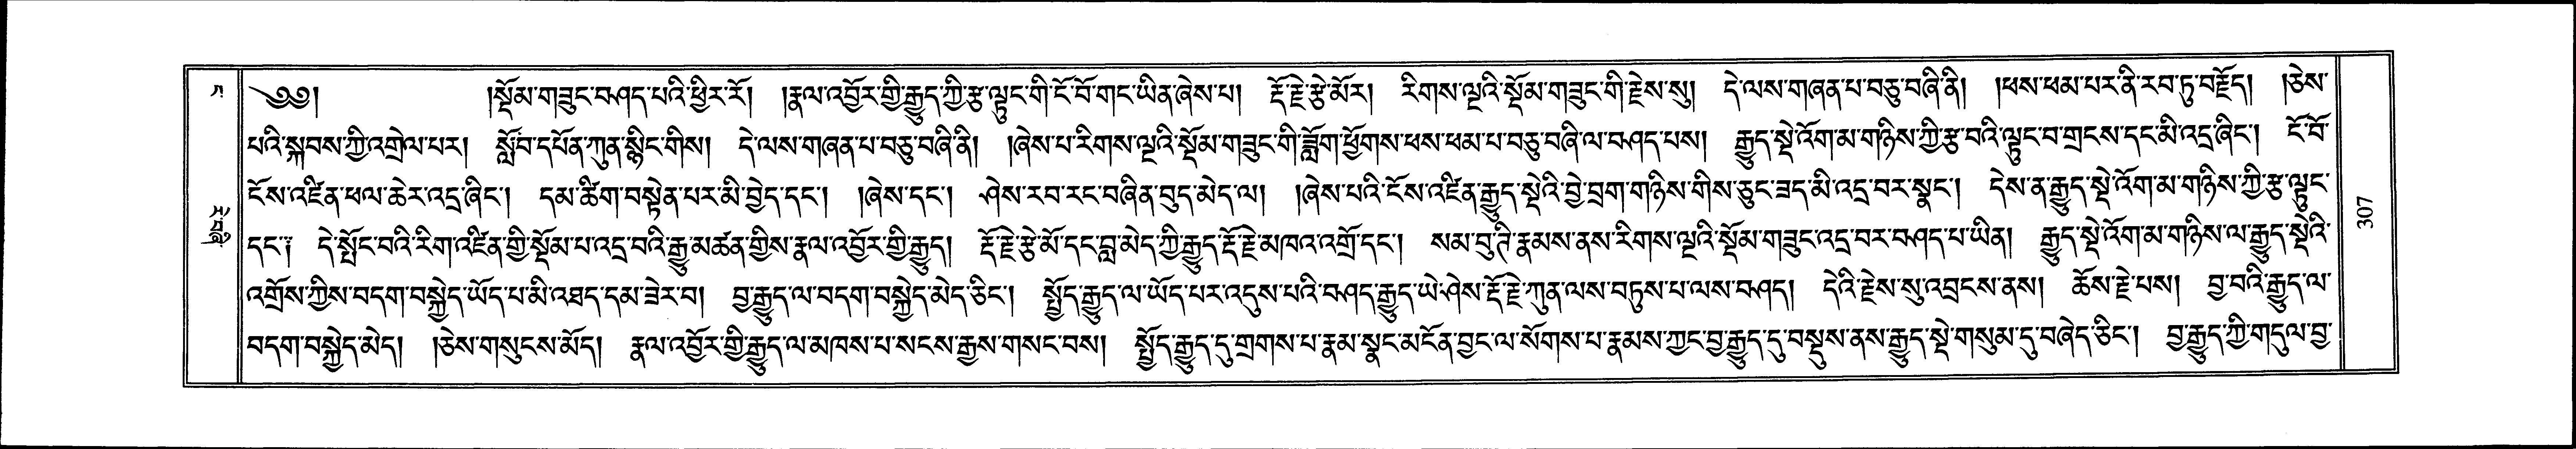༄༅། །སྡོམ་གཟུང་བཤད་པའི་ཕྱིར་རོ། །རྣལ་འབྱོར་གྱི་རྒྱུད་ཀྱི་རྩ་ལྟུང་གི་ངོ་བོ་གང་ཡིན་ཞེས་པ། རྡོ་རྗེ་རྩེ་མོར། རིགས་ལྔའི་སྡོམ་གཟུང་གི་རྗེས་སུ། དེ་ལས་གཞན་པ་བཅུ་བཞི་ནི། །ཕས་ཕམ་པར་ནི་རབ་ཏུ་བརྗོད། །ཅེས་
པའི་སྐབས་ཀྱི་འགྲེལ་པར། སློབ་དཔོན་ཀུན་སྙིང་གིས། དེ་ལས་གཞན་པ་བཅུ་བཞི་ནི། །ཞེས་པ་རིགས་ལྔའི་སྡོམ་གཟུང་གི་ཟློག་ཕྱོགས་ཕས་ཕམ་པ་བཅུ་བཞི་ལ་བཤད་པས། རྒྱུད་སྡེ་འོག་མ་གཉིས་ཀྱི་རྩ་བའི་ལྟུང་བ་གྲངས་དང་མི་འདྲ་ཞིང་། ངོ་བོ་
ངོས་འཛིན་ཕལ་ཆེར་འདྲ་ཞིང་། དམ་ཚིག་བསྟེན་པར་མི་བྱེད་དང་། །ཞེས་དང་། ཤེས་རབ་རང་བཞིན་བུད་མེད་ལ། །ཞེས་པའི་ངོས་འཛིན་རྒྱུད་སྡེའི་བྱེ་བྲག་གཉིས་གིས་ཅུང་ཟད་མི་འདྲ་བར་སྣང་། དེས་ན་རྒྱུད་སྡེ་འོག་མ་གཉིས་ཀྱི་རྩ་ལྟུང་
དང་། དེ་སྤོང་བའི་རིག་འཛིན་གྱི་སྡོམ་པ་འདྲ་བའི་རྒྱུ་མཚན་གྱིས་རྣལ་འབྱོར་གྱི་རྒྱུད། རྡོ་རྗེ་རྩེ་མོ་དང་བླ་མེད་ཀྱི་རྒྱུད་རྡོ་རྗེ་མཁའ་འགྲོ་དང་། སམ་བུ་ཊི་རྣམས་ནས་རིགས་ལྔའི་སྡོམ་གཟུང་འདྲ་བར་བཤད་པ་ཡིན། རྒྱུད་སྡེ་འོག་མ་གཉིས་ལ་རྒྱུད་སྡེའི་
འགྲོས་ཀྱིས་བདག་བསྐྱེད་ཡོད་པ་མི་འཐད་དམ་ཟེར་བ། བྱ་རྒྱུད་ལ་བདག་བསྐྱེད་མེད་ཅིང་། སྤྱོད་རྒྱུད་ལ་ཡོད་པར་འདུས་པའི་བཤད་རྒྱུད་ཡེ་ཤེས་རྡོ་རྗེ་ཀུན་ལས་བཏུས་པ་ལས་བཤད། དེའི་རྗེས་སུ་འབྲངས་ནས། ཆོས་རྗེ་པས། བྱ་བའི་རྒྱུད་ལ་
བདག་བསྐྱེད་མེད། །ཅེས་གསུངས་མོད། རྣལ་འབྱོར་གྱི་རྒྱུད་ལ་མཁས་པ་སངས་རྒྱས་གསང་བས། སྤྱོད་རྒྱུད་དུ་གྲགས་པ་རྣམ་སྣང་མངོན་བྱང་ལ་སོགས་པ་རྣམས་ཀྱང་བྱ་རྒྱུད་དུ་བསྡུས་ནས་རྒྱུད་སྡེ་གསུམ་དུ་བཞེད་ཅིང་། བྱ་རྒྱུད་ཀྱི་གདུལ་བྱ་